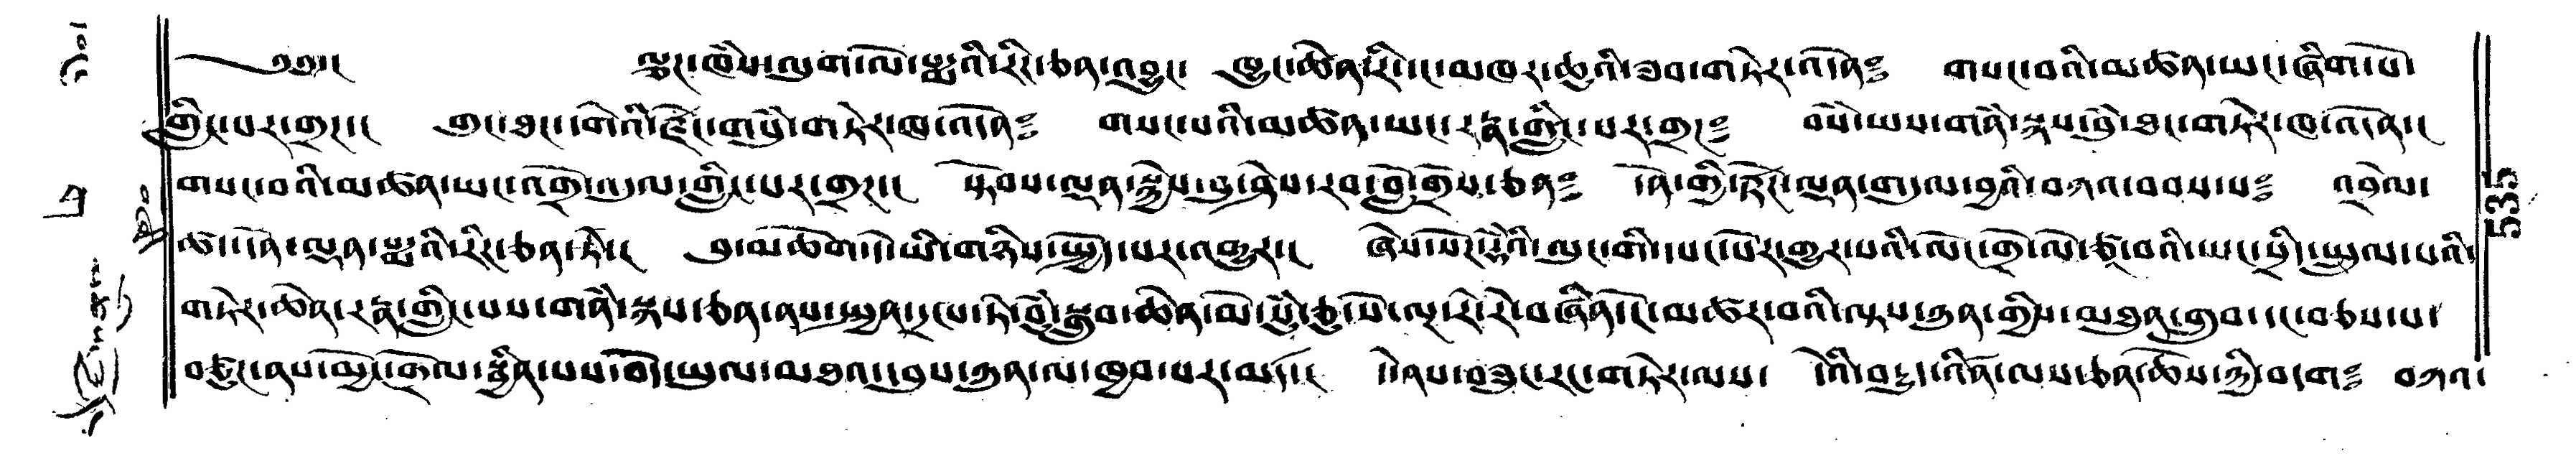ལྕགས་ཁམས་ལུག་ལོ་པདྨའི་རིགས་ཅན་འབྱུང༔ ཁྱུང་ཆེན་རི་དང་མཁར་ཆུའི་ཟབ་གཏེར་འདོན༔ གསང་བའི་མཚན་ཡང་ཞིག་པོ་
གླིང་པར་གྲགས༔ གུང་ཐང་དགེ་ཡི་རྫོང་གསུམ་གཏེར་ཁ་འདོན༔ གསང་བའི་མཚན་ཡང་རཏྣ་གླིང་པར་གྲགས༔ བསམ་ཡས་གནམ་སྐས་བུམ་ཐང་གཏེར་ཁ་འདོན༔ 
གསང་བའི་མཚན་ཡང་འགྲོ་འདུལ་གླིང་པར་གྲགས༔ སྟོབས་ལྡན་སྐྱེས་བུ་ཤེས་རབ་བློ་གྲོས་ཅན༔ དོན་གྱི་རྟོགས་ལྡན་གདུལ་བྱའི་བཀའ་བབས་པ༔ འབྲེལ་
ཚད་དོན་ལྡན་པདྨའི་རིགས་ཅན་ཏེ༔ བུ་མཆོག་དེ་ཡིས་གཉིས་ཀ་སྤྱོད་པར་འགྱུར༔ ཞེས་སོགས་རྡོ་རྗེ་ལུང་གི་དཔང་པོར་གྱུར་པའི་ལང་གྲོ་ལོ་ཙཱ་བའི་ཡང་སྲིད་སྤྲུལ་པའི་
གཏེར་ཆེན་རཏྣ་གླིང་པས་གནམ་སྐས་ཅན་ནས་སྤྱན་དྲངས་ཏེ་བུམ་སྒྲུབ་ཆེན་མོ་སུམ་ཅུ་སོ་ལྔ་རེ་རེ་བཞིན་ངོ་མཚར་བའི་ལྟས་ཀུན་གྱིས་མཐུན་གྲུབ་དང་བཅས་པ་
བཙུགས་ནས་མྱོང་གྲོལ་སྦྱིན་པས་བོད་ཡུལ་མཐའ་དབུས་ཀུན་ལ་ཁྱབ་པར་མཛད། དེ་ནས་བཟུང་རང་གཏེར་ལས། དེའི་བརྒྱུད་འཛིན་ལས་ཅན་ཆོས་ཀྱི་བདག༔ བཀའ་